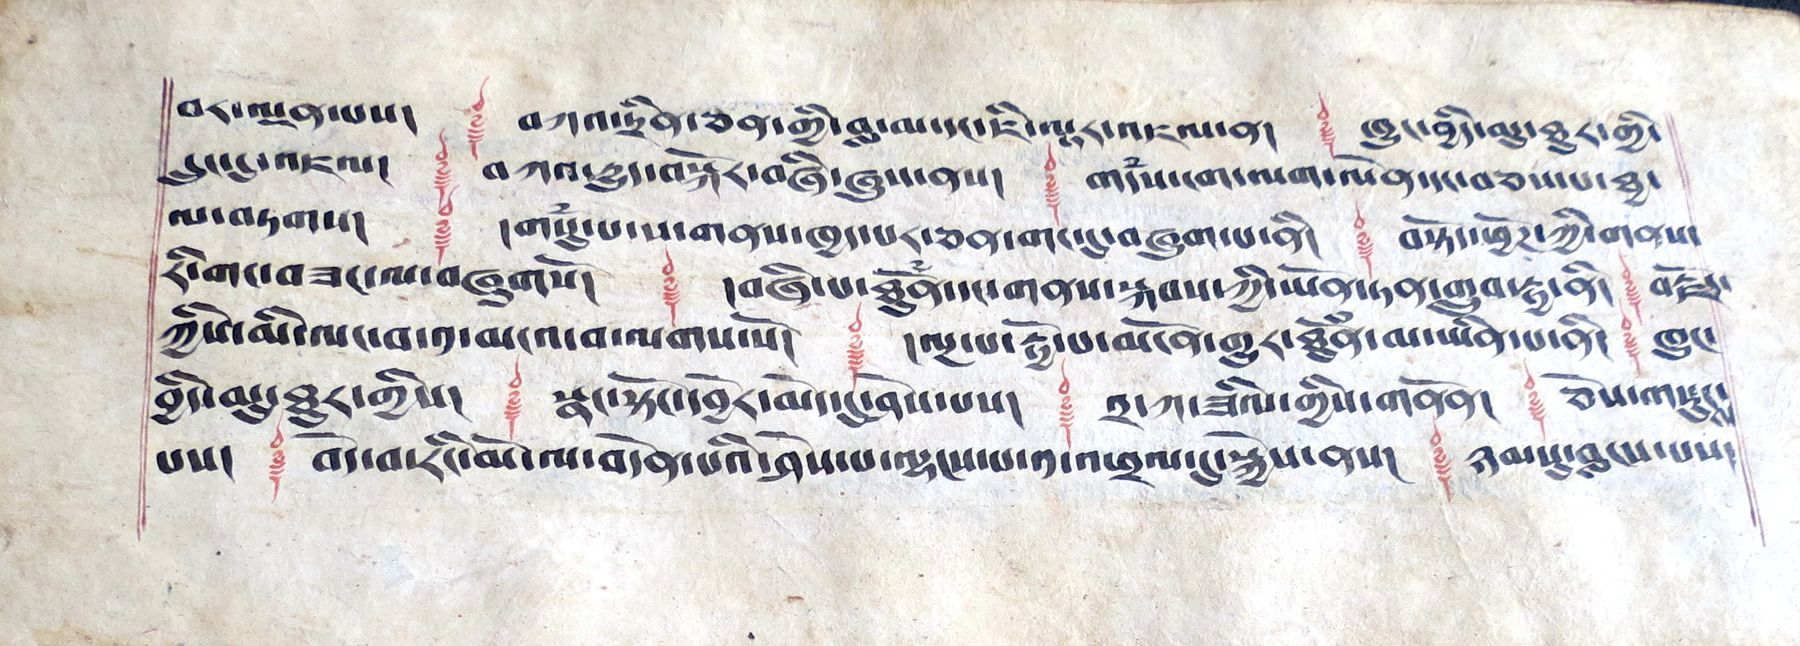པར་ལྡན་པས། བཀའ་དྲིན་ཅན་གྱི་བླ་མ་དང་ཅི་ལྟར་མཇལ་ན། ཁྱུང་བྱིད་མུ་ཐུར་གྱི་
དྲུང་དུ་མཇལ་བཀའ་རྒྱུད་སྐོར་བཞི་ཞུས་ནས། མན་ངག་ལག་ལེན་དང་བཅས་པ་ཐུགས་
ལ་བཏགས། གསུམ་པ་ས་གནས་ཁྱད་པར་ཅན་གང་དུ་བཞུགས་པ་ནི། སྟོད་ཕྱོགས་ཀྱི་གནས་
རི་གང་བཟང་ལ་བཞུགས་སོ། ། བཞི་པ་ཐུན་མོང་དང་གནས་སྐབས་ཀྱི་ཡོན་ཏན་གྲུབ་རྟགས་ནི། བརྗོད་
ཀྱིས་མི་ལངས་པ་ཞིག་མངའ་བ་ལགས་སོ། ། ལྔ་པ་རྟོགས་པ་མངོན་གྱུར་ཐུན་མོང་མ་ཡིན་པ་ནི། ཁྱུང་
བྱིད་མུ་ཐུར་གྱིས་སྣང་སྟོང་དབྱེར་མེད་དུ་ཤེས་པས། གཉིས་ཀ་ཟིལ་གྱིས་ནོན་ཞེས་གསུངས་
པས། བདེ་བ་རིང་མོ་ལ་བདེན་པའི་ངེས་ཤེས་ལྷང་{ངེ}་པ་ཞིག་འཕྲལ་དུ་སྐྱེས་ནས། ཉམས་སུ་བླངས་པས་